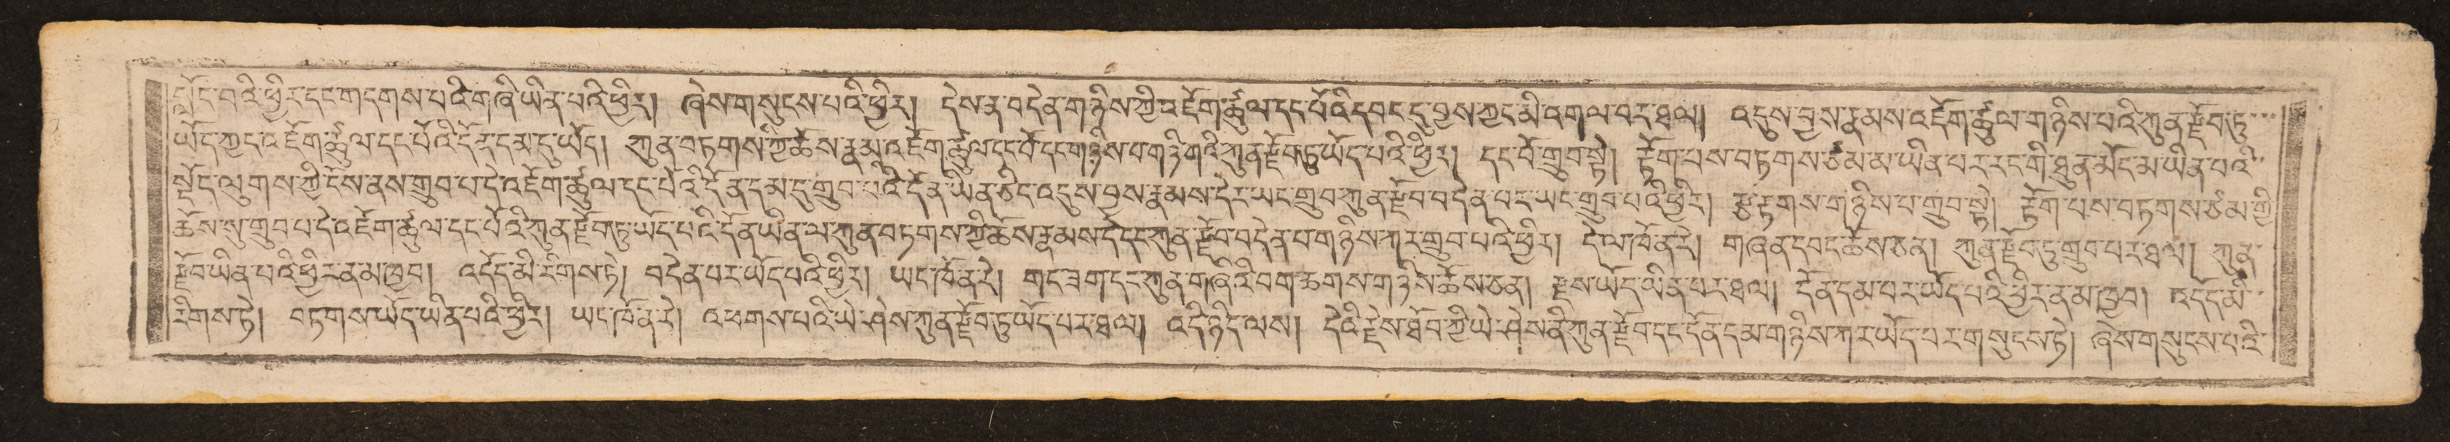སློང་བའི་ཕྱིར་དང་གདགས་པའི་གཞི་ཡིན་པའི་ཕྱིར། ཞེས་གསུངས་པའི་ཕྱིར། དེས་ན་བདེན་གཉིས་ཀྱི་འཇོག་ཚུལ་དང་པོའི་དབང་དུ་བྱས་ཀྱང་མི་འགལ་བར་ཐལ། འདུས་བྱས་རྣམས་འཇོག་ཚུལ་གཉིས་པའི་ཀུན་རྫོབ་ཏུ་
ཡོད་ཀྱང་འཇོག་ཚུལ་དང་པོའི་དོན་དམ་དུ་ཡོད། ཀུན་བཏགས་ཀྱི་ཆོས་རྣམས་འཇོག་ཚུལ་དང་པོ་དང་གཉིས་པ་གཉི་ཀའི་ཀུན་རྫོབ་ཏུ་ཡོད་པའི་ཕྱིར། དང་པོ་གྲུབ་སྟེ། རྟོག་པས་བཏགས་ཙམ་མ་ཡིན་པར་རང་གི་ཐུན་མོང་མ་ཡིན་པའི་
སྡོད་ལུགས་ཀྱི་ངོས་ནས་གྲུབ་པ་དེ་འཇོག་ཚུལ་དང་པོའི་དོན་དམ་དུ་གྲུབ་པའི་དོན་ཡིན་ཅིང་འདུས་བྱས་རྣམས་དེར་ཡོང་གྲུབ་ཀུན་རྫོབ་བདེན་པར་ཡང་གྲུབ་པའི་ཕྱིར། རྩ་རྟགས་གཉིས་པ་གྲུབ་སྟེ། རྟོག་པས་བཏགས་ཙམ་གྱི་
ཆོས་སུ་གྲུབ་པ་དེ་འཇོག་ཚུལ་དང་པོའི་ཀུན་རྫོབ་ཏུ་ཡོད་པའི་དོན་ཡིན་ལ་ཀུན་བཏགས་ཀྱི་ཆོས་རྣམས་དེ་དང་ཀུན་རྫོབ་བདེན་པ་གཉིས་ཀར་གྲུབ་པའི་ཕྱིར། དེ་ལ་ཁོ་ན་རེ། གཞན་དབང་ཆོས་ཅན། ཀུན་རྫོབ་ཏུ་གྲུབ་པར་ཐལ། ཀུན་
རྫོབ་ཡིན་པའི་ཕྱིར་ན་མ་ཁྱབ། འདོད་མི་རིགས་ཏེ། བདེན་པར་ཡོད་པའི་ཕྱིར། ཡང་ཁོ་ན་རེ། གང་ཟག་དང་ཀུན་གཞིའི་བག་ཆགས་གཉིས་ཆོས་ཅན། རྫས་ཡོད་ཡིན་པར་ཐལ། དོན་དམ་པར་ཡོད་པའི་ཕྱིར་ན་མ་ཁྱབ། འདོད་མི་
རིགས་ཏེ། བཏགས་ཡོད་ཡིན་པའི་ཕྱིར། ཡང་ཁོ་ན་རེ། འཕགས་པའི་ཡེ་ཤེས་ཀུན་རྫོབ་ཏུ་ཡོད་པར་ཐལ། འདི་ཉིད་ལས། དེའི་རྗེས་ཐོབ་ཀྱི་ཡེ་ཤེས་ནི་ཀུན་རྫོབ་དང་དོན་དམ་གཉིས་ཀར་ཡོད་པར་གསུངས་ཏེ། ཞེས་གསུངས་པའི་